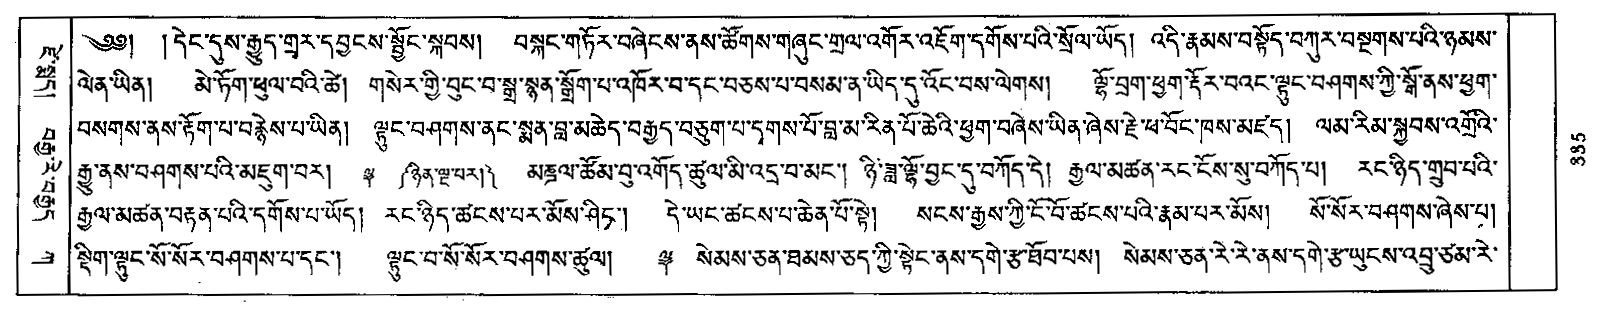༄༅། །དེང་དུས་རྒྱུད་གྲྭར་དབྱངས་སྦྱོང་སྐབས། བསྐང་གཏོར་བཞེངས་ནས་ཚོགས་གཞུང་གྲལ་འགོར་འཇོག་དགོས་པའི་སྲོལ་ཡོད། འདི་རྣམས་བསྟོད་བཀུར་བསྔགས་པའི་ཉམས་
ལེན་ཡིན། མེ་ཏོག་ཕུལ་བའི་ཚེ། གསེར་གྱི་བུང་བ་སྒྲ་སྙན་སྒྲོག་པ་འཁོར་བ་དང་བཅས་པ་བསམ་ན་ཡིད་དུ་འོང་བས་ལེགས། ལྷོ་བྲག་ཕྱག་རྡོར་བའང་ལྟུང་བཤགས་ཀྱི་སྒོ་ནས་ཕྱག་
བསགས་ནས་རྟོག་པ་བརྙེས་པ་ཡིན། ལྟུང་བཤགས་ནང་སྨན་བླ་མཆེད་བརྒྱད་བཅུག་པ་དྭགས་པོ་བླ་མ་རིན་པོ་ཆེའི་ཕྱག་བཞེས་ཡིན་ཞེས་རྗེ་ཕ་བོང་ཁས་མཛད། ལམ་རིམ་སྐྱབས་འགྲོའི་
རྒྱུ་ནས་བཤགས་པའི་མཇུག་བར། ༈ ཉིན་ལྔ་པར།?་མཎྜལ་ཚོམ་བུ་འགོད་ཚུལ་མི་འདྲ་བ་མང་། ཉི་ཟླ་ལྷོ་བྱང་དུ་བཀོད་དེ། རྒྱལ་མཚན་རང་ངོས་སུ་བཀོད་པ། རང་ཉིད་གྲུབ་པའི་
རྒྱལ་མཚན་བརྟན་པའི་དགོས་པ་ཡོད། རང་ཉིད་ཚངས་པར་མོས་ཤིང་། དེ་ཡང་ཚངས་པ་ཆེན་པོ་སྟེ། སངས་རྒྱས་ཀྱི་ངོ་བོ་ཚངས་པའི་རྣམ་པར་མོས། སོ་སོར་བཤགས་ཞེས་པ།
སྡིག་ལྟུང་སོ་སོར་བཤགས་པ་དང་། ལྟུང་བ་སོ་སོར་བཤགས་ཚུལ། ༈ སེམས་ཅན་ཐམས་ཅད་ཀྱི་སྟེང་ནས་དགེ་རྩ་ཐོབ་པས། སེམས་ཅན་རེ་རེ་ནས་དགེ་རྩ་ཡུངས་འབྲུ་ཙམ་རེ་